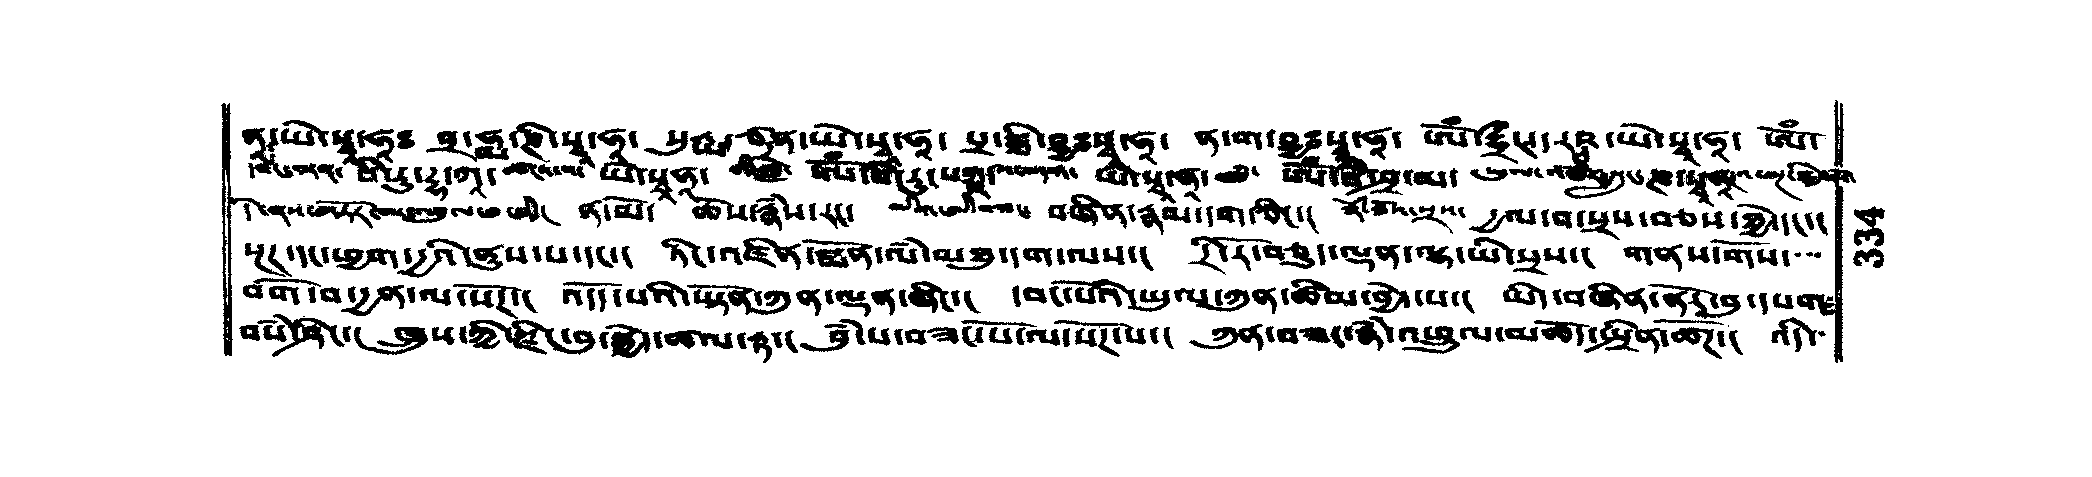སུརྻ་ཙནྡྲ་ཡེ་སྭཱ་ཧཱ། པྲ་སྠི་བྷྱཿསྭཱ་ཧཱ། ན་ག་བྷྱེ་སྭཱ་ཧཱ། ཨོཾ་དྷྲི་ཊ་རཥྚ་ཡེ་སྭཱ་ཧཱ། ཨོཾ་
བཻ་རུ་དྷ་ཀཱ་ཡེ་སྭཱ་ཧཱ། ཨོཾ་བཻ་རུ་པཀྵ་ཡེ་སྭཱ་ཧཱ། ཨོཾ་བཻ་ཤྲ་མ་ཎ་སྭཱ་ཧཱ། 
དེ་ནས་གཏོར་མ་འབུལ་བ་ནི། ན་མོ། ཆོས་རྣམས་རག་བཞིན་རྣམ་དག་ཅིང་། །རྒྱལ་བ་སྲས་བཅས་ཐུགས་རྗེ་དང་། །
སྔགས་དང་ཕྱག་རྒྱའི་ནུས་པ་དང་། །ཏིང་འཛིན་སྨོན་ལམ་མཐུ་དང་ལས། །དྲི་རོ་བཅུང་ལྡན་ལྷ་ཡི་ཟས། །གནས་གོས་
བགོ་བ་རྒྱན་ལ་སོགས། །འདོད་པའི་ཡོན་ཏན་ཀུན་ལྡན་ཞིང་། དབང་པོའི་ཡུལ་ཀུན་ཚིམ་བྱེད་པ། །ཡིད་བཞིན་ནོར་བུ་དཔག་
བསམ་ཤིང་། །ཁྲུས་ཀྱི་རྫིང་བུ་སྐྱེད་ཚལ་རྟ། །བུམ་པ་བཟང་པོ་ལ་སོགས་པ། །ཀུན་བཟང་རྣམ་འཕྲུལ་མཆོད་སྤྲིན་ཚོགས། །འདི་